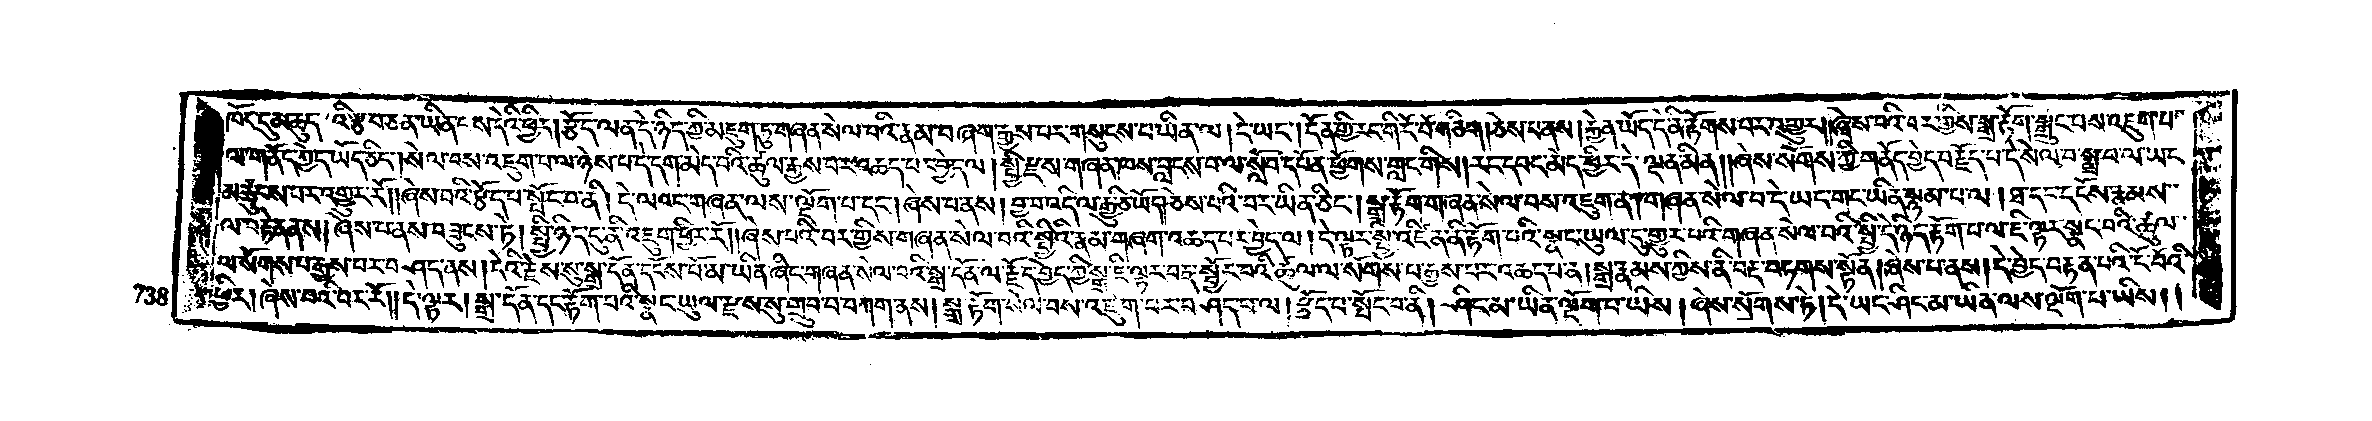ཁོང་དུ་མ་ཆུད་པའི་རྩ་བ་ཅན་ཡིན་པས་དེའི་ཕྱིར། རྩོད་ལན་དེ་ཉིད་ཀྱི་མཇུག་ཏུ་གཞན་སེལ་བའི་རྣམ་བཞག་རྒྱས་པར་གསུངས་པ་ཡིན་ལ། དེ་ཡང་། དོན་གྱི་རང་གི་ངོ་བོ་གཅིག །ཅེས་པ་ནས། རྐྱེན་ཡོད་དེ་ནི་རྟོགས་པར་འགྱུར། །ཞེས་པའི་བར་གྱིས་སྒྲ་རྟོག་སྒྲུབ་པས་འཇུག་པ་
ལ་གནོད་ཀྱེད་ཡོད་ཅིང་། སེལ་བས་འཇུག་པ་ལ་ཉེས་པ་དེ་དག་མེད་པའི་ཚུལ་རྒྱས་པར་འཆད་པར་བྱེད་ལ། སྤྱི་རྫས་གཞན་ཁས་བླངས་བ་ལ་སློབ་དཔོན་ཕྱོགས་གླང་གིས། རང་དབང་མེད་ཕྱིར་དེ་ལྡན་མིན། །ཞེས་སོགས་ཀྱི་གནོད་བྱེད་བརྗོད་པ་དེ་སེལ་བ་སྨྲ་བ་ལ་ཡང་
མཚུངས་པར་འགྱུར་རོ། །ཞེས་པའི་རྩོད་པ་སྤོང་བ་ནི། དེ་ལའང་གཞན་ལས་ལྡོག་པ་དང་། ཞེས་པ་ནས། བྱ་བ་འདི་ལ་རྒྱུ་ཅི་ཡོད། ཅེས་པའི་བར་ཡིན་ཅིང་། སྒྲ་རྟོག་གཞན་སེལ་བས་འཇུག་ན། གཞན་སེལ་བ་དེ་ཡང་གང་ཡིན་སྙམ་པ་ལ། ཐ་དང་དངོས་རྣམས་
ལ་བརྟེན་ནས། ཞེས་པ་ནས་བཟུངས་ཏེ། སྤྱི་ཉིད་དུ་ནི་འཇུག་ཕྱིར་རོ། །ཞེས་པའི་བར་གྱིས་གཞན་སེལ་བའི་སྤྱིའི་རྣམ་གཞག་འཆད་པར་བྱེད་ལ། དེ་ལྟར་སྤྱི་འཛིན་ནི་རྟོག་པའི་སྣང་ཡུལ་དུ་གྱུར་བའི་གཞན་སེལ་བའི་སྤྱི་དེ་ཉིད་རྟོག་པ་ལ་ཇི་ལྟར་སྣང་བའི་ཚུལ་
ལ་སོགས་པ་རྒྱས་པར་བཤད་ནས། དེའི་རྗེས་སུ་སྒྲ་དོན་དངོས་པོ་མ་ཡིན་ཞིང་གཞན་སེལ་བའི་སྒྲ་དོན་ལ་རྗོད་བྱེད་ཀྱི་སྒྲ་ཇི་ལྟར་བརྡ་སྦྱོར་བའི་ཚུལ་ལ་སོགས་པ་རྒྱས་པར་འཆད་པ་ནི། སྒྲ་རྣམས་ཀྱིས་ནི་བརྡ་བཏགས་སྟོན། ཞེས་པ་ནས། དེ་བྱེད་བརྟན་པའི་ངོ་བོའི་
ཕྱིར། ཞེས་པའི་བར་རོ། །དེ་ལྟར། སྒྲ་དོན་དང་རྟོག་པའི་སྣང་ཡུལ་རྫས་སུ་གྲུབ་པ་བཀག་ནས། སྒྲ་རྟོག་སེལ་བས་འཇུག་པར་བཤད་པ་ལ། རྩོད་པ་སྤོང་བ་ནི། ཤིང་མ་ཡིན་ལྡོག་པ་ཡིས། ཞེས་སྲོགས་ཏེ། དེ་ཡང་ཤིང་མ་ཡིན་ལས་ལྡོག་པ་ཡིས། །